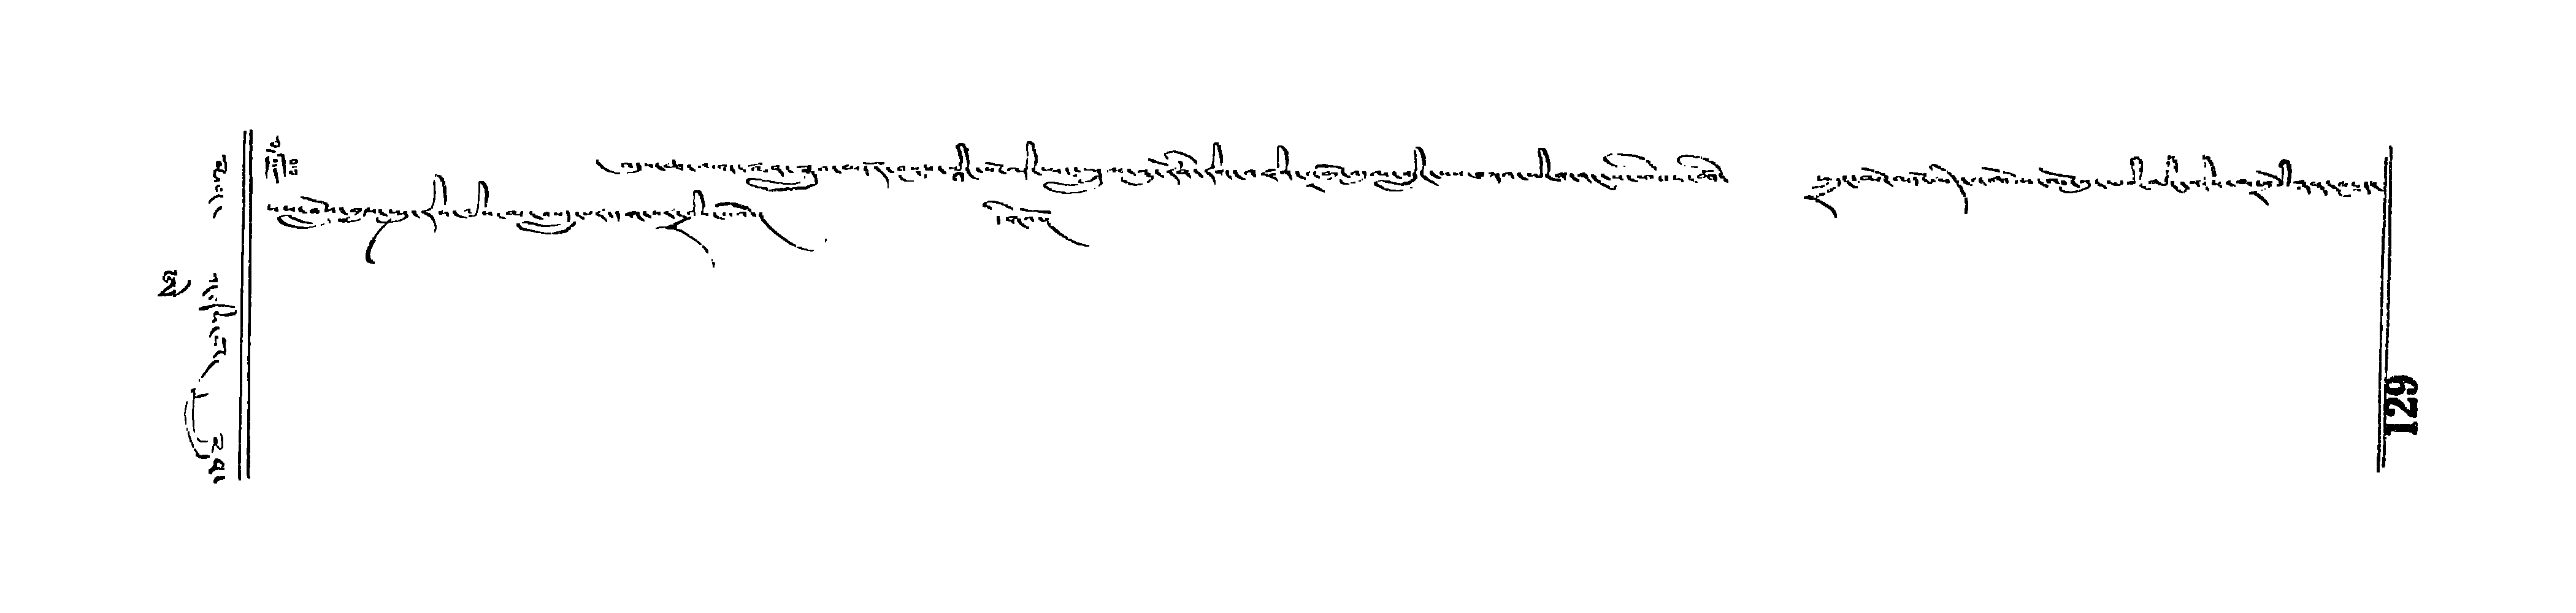འདུས་ཆ་ལག་སྨན་སྒྲུབ་མདོར་བསྡུས་སྙིང་པོ་འདི་ཡང་སྤྲུལ་སྐུ་རིན་པོ་ཆེ་རིག་འཛིན་འགྲོ་འདུལ་གླིང་པས་བཀའ་ཡི་གནང་བ་ཕེབས་ཚེ༔ སྤྲང་མོ་མདོ་མེད་འཆོལ་མོ་སུ་ཁའི་མིང་གིས་མཁའ་འགྲོའི་སྙན་བརྒྱུད་
ལས་བློས་བྱས་སྤུ་རིས་ཀྱིས་མ་བསླད་པར་དག་པར་བྲིས་པའོ།། དགེའོ།།